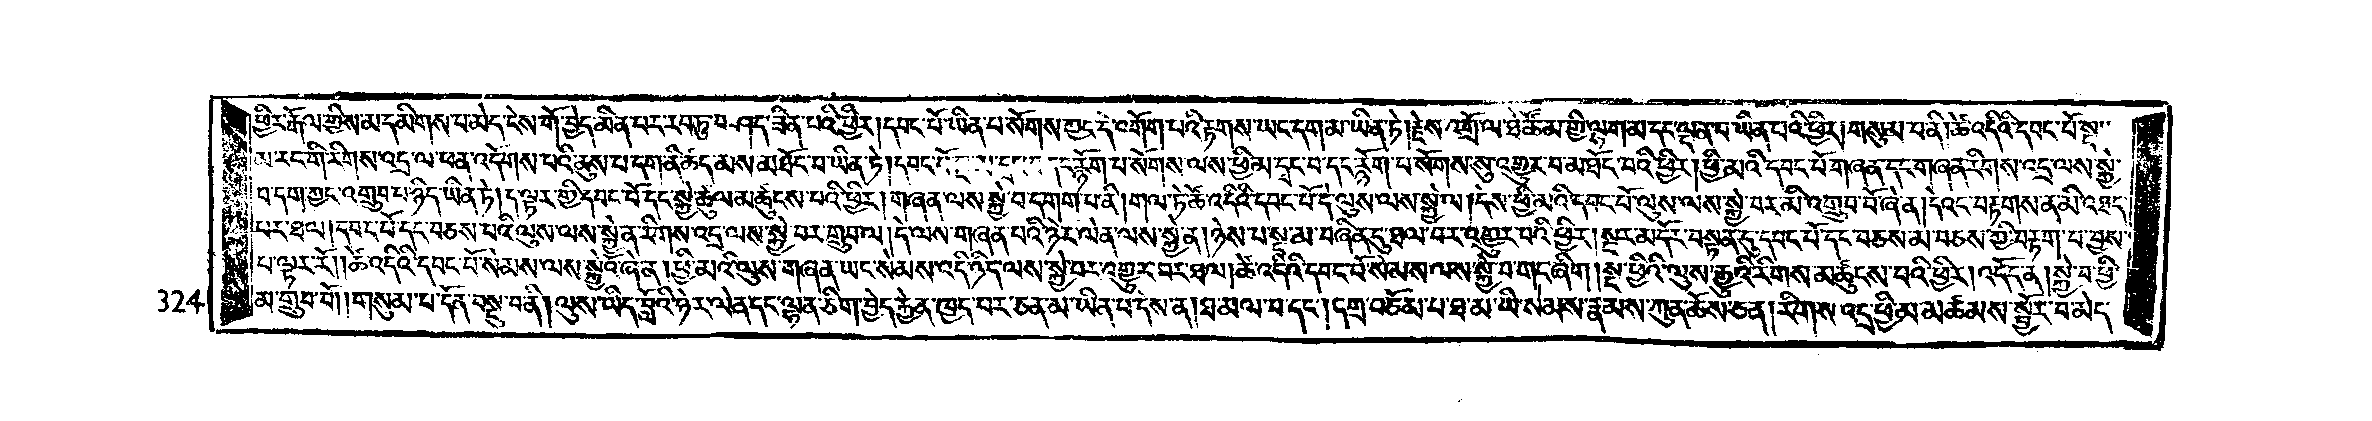ཕྱིར་རྒོལ་གྱིས་མ་དམིགས་པ་མེད་ངེས་གོ་བྱེད་མིན་པར་རབ་ཏུ་བཤད་ཟིན་པའི་ཕྱིར། དབང་པོ་ཡིན་པ་སོགས་ཀྱང་དེ་འགོག་པའི་རྟགས་ཡང་དག་མ་ཡིན་ཏེ། རྗེས་འགྲོ་ལ་ཐེ་ཚོམ་གྱི་ལྷག་མ་དང་ལྡན་པ་ཡིན་པའི་ཕྱིར། གསུམ་པ་ནི། ཚེ་འདིའི་དབང་པོ་སྔ་
མ་རང་གི་རིགས་འདྲ་ལ་ཕན་འདོགས་པའི་ནུས་པ་དག་ནི་ཚད་མས་མཐོང་བ་ཡིན་ཏེ། དབང་པོ་སྔ་མ་དྲང་བ་དང་རྙོག་པ་སོགས་ལས་ཕྱི་མ་དྭང་བ་དང་རྙོག་པ་སོགས་སུ་འགྱུར་བ་མཐོང་བའི་ཕྱིར། ཕྱི་མའི་དབང་པོ་གཞན་དང་གཞན་རིགས་འདྲ་ལས་སྐྱེ་
བ་དག་ཀྱང་འགྲུབ་པ་ཉིད་ཡིན་ཏེ། ད་ལྟར་གྱི་དབང་པོ་དང་སྐྱེ་ཚུལ་མཚུངས་པའི་ཕྱིར། གཞན་ལས་སྐྱེ་བ་དགག་པ་ནི། གལ་ཏེ་ཚེ་འདིའི་དབང་པོ་དེ་ལུས་ལས་སྐྱེ་ལ། དེས་ཕྱི་མའི་དབང་པོ་ལུས་ལས་སྐྱེ་བར་མི་འགྲུབ་བོ་ཞེ་ན། དེའང་བརྟགས་ན་མི་འཐད་
པར་ཐལ། དབང་པོ་དང་བཅས་པའི་ལུས་ལས་སྐྱེ་ན་རིགས་འདྲ་ལས་སྐྱེ་བར་གྲུབ་ལ། དེ་ལས་གཞན་པའི་ཉེར་ལེན་ལས་སྐྱེ་ན། ཉེས་པ་སྔ་མ་བཞིན་དུ་ཐལ་བར་འགྱུར་བའི་ཕྱིར། སྔར་མདོར་བསྟན་དུ་དབང་པོ་དང་བཅས་མ་བཅས་ཀྱི་བརྟག་པ་བྱས་
པ་ལྟར་རོ། །ཚེ་འདིའི་དབང་པོ་སེམས་ལས་སྐྱེའོ་ཞེ་ན། ཕྱི་མའི་ལུས་གཞན་ཡང་སེམས་འདི་ཉིད་ལས་སྐྱེ་བར་འགྱུར་བར་ཐལ། ཚེ་འདིའི་དབང་པོ་སེམས་ལས་སྐྱེ་བ་གང་ཞིག །སྔ་ཕྱིའི་ལུས་རྒྱུའི་རིགས་མཚུངས་པའི་ཕྱིར། འདོད་ན། སྐྱེ་བ་ཕྱི་
མ་གྲུབ་བོ། །གསུམ་པ་དོན་བསྡུ་བ་ནི། ལུས་ཡིད་བློའི་ཉེར་ལེན་དང་ལྷན་ཅིག་བྱེད་རྐྱེན་ཁྱད་པར་ཅན་མ་ཡིན་པ་དེས་ན། ཐ་མལ་པ་དང་། དགྲ་བཅོམ་པ་ཐ་མ་ཡི་སེམས་རྣམས་ཀུན་ཆོས་ཅན། རིགས་འདྲ་ཕྱི་མ་མཚམས་སྦྱོར་བ་མེད་